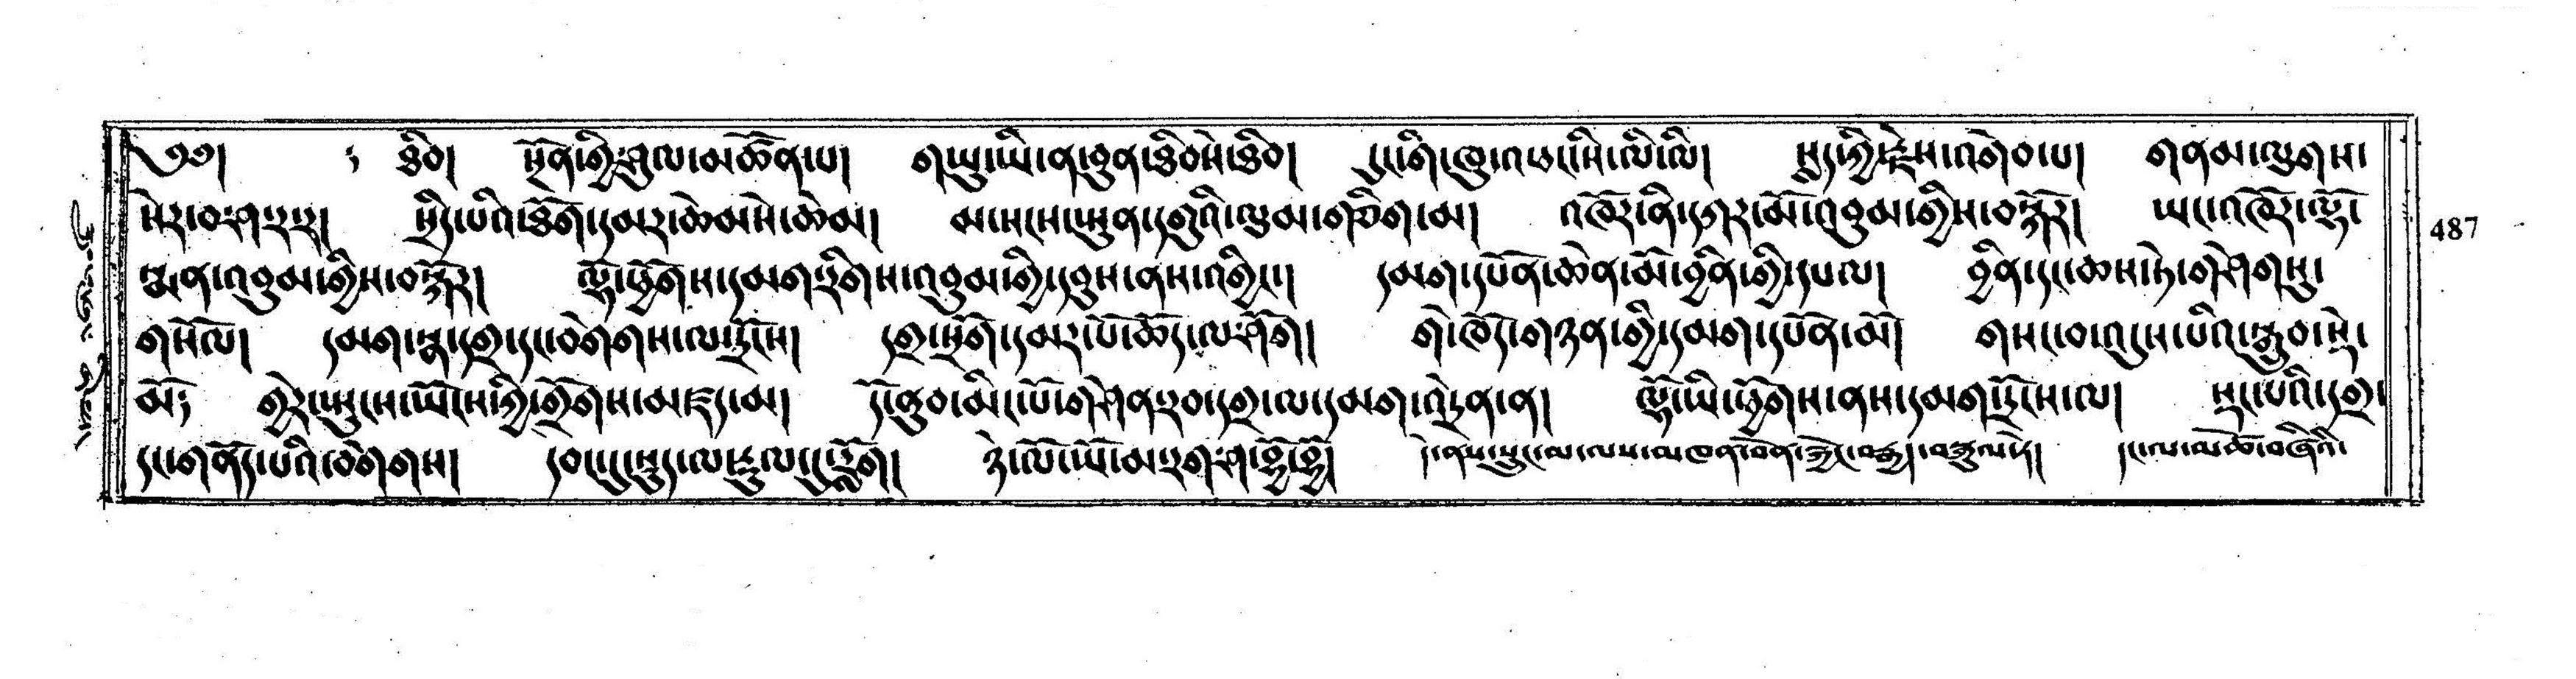ཐིབ། སྔོན་གྱི་ཤུལ་མཚོན་པ། གཡུ་ཡི་ན་བུན་ཐིབས་སེ་ཐིབ། དུང་གི་ཁུ་འཕང་སི་ལི་ལི། སླད་ཀྱི་རྗེས་འགེབ་པ། གནམ་ལྕགས་
སེར་བ་ཤ་ར་ར། སྲིད་པའི་ཐོག་དམར་ཆེམས་སེ་ཆེམ།། མ་སངས་སྤུན་དགུའི་ལྕམ་གཅིག་མ། འཁོར་ནི་དཀར་མོ་འབུམ་གྱིས་བསྐོར། ཡང་འཁོར་ལྷོ་
སྨན་འབུམ་གྱིས་བསྐོར། ལྷོ་ཕྱོགས་དམག་རིགས་འབུམ་གྱི་དབུས་ནས་འགྱིང་། དམག་དཔོན་ཆེན་མོ་བྱིན་གྱི་དཔལ། བྱིན་དང་ཆས་ཏེ་གཤེགས་སུ་
གསོལ། དམག་སྣ་དགྲ་དང་བགེགས་ལ་དྲོངས། དགྲ་སྲོག་དམར་པོ་ཆོད་ལ་ཤོག གེ་ཁོད་གཉན་གྱི་དམག་དཔོན་མོ། གསང་བ་འདུས་པའི་སྒྲུབ་སྡེ་
མོ། གྱེར་སྤུངས་ཡོངས་ཀྱི་གྲོགས་མཛད་མ། དོ་ནུབ་མིང་པོ་གཤེན་རབ་དགྲ་ལ་དམག་འདྲེན་ན། ལྷོ་ཡི་ཕྱོགས་ནས་དམག་དྲོངས་ལ། སྡང་པའི་དགྲ་
དང་གནོད་པའི་བགེགས། དབང་དུ་སྡུས་ལ་རྡུལ་དུ་རློག །ཉེ་ལོ་ཡོ་མ་རག་ཤ་བྷྱོ་བྷྱོ། དེ་ནས་སྲུང་མ་ལས་མཁན་བོན་སྐྱོང་བརྒྱད་བསྐུལ་ཏེ། དང་ལ་མཚོ་བཞིའི་